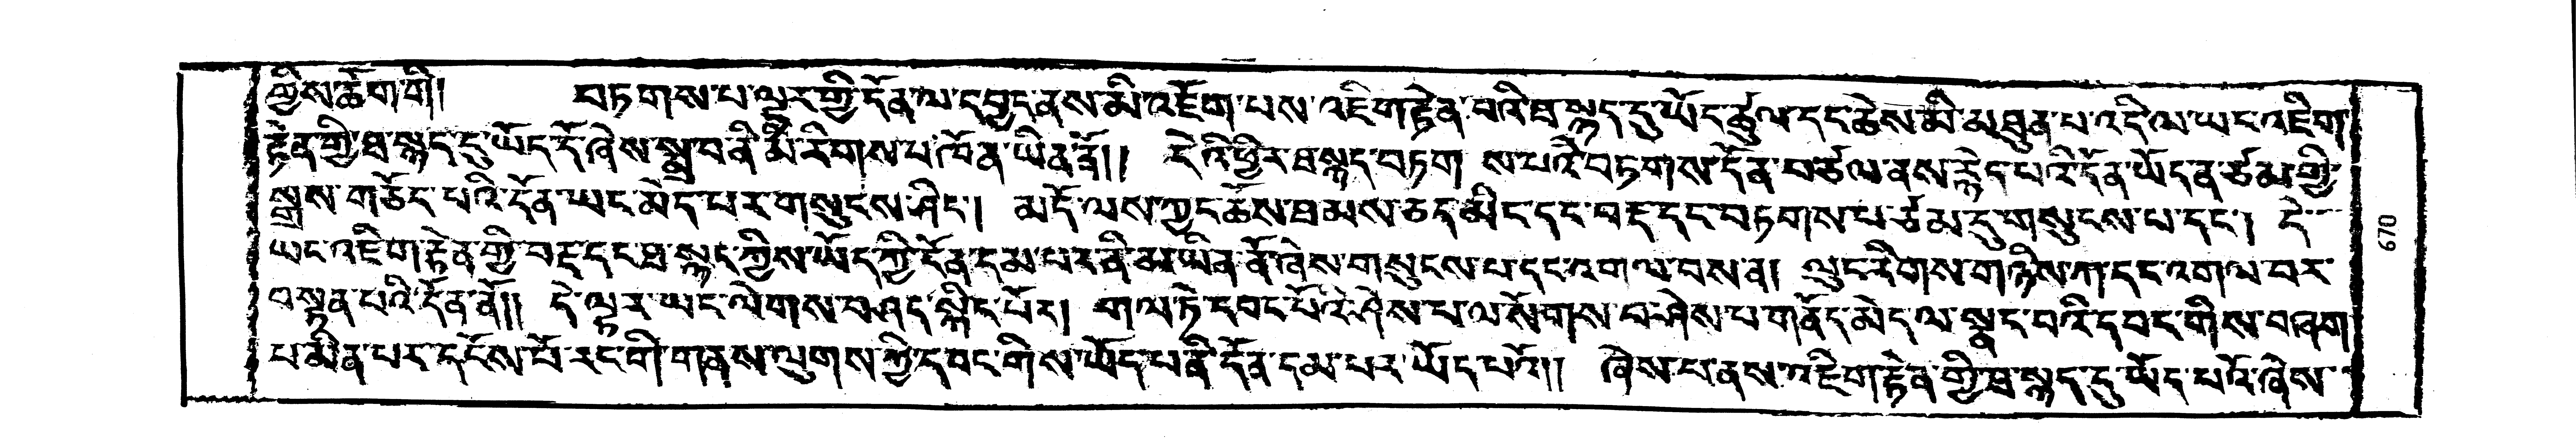གྱིས་ཆོག་གི། བཏགས་པ་ལྟར་གྱི་དོན་ལ་དཔྱད་ནས་མི་འཇོག་པས་འཇིག་རྟེན་པའི་ཐ་སྙད་དུ་ཡོད་ཚུལ་དང་ཆེས་མི་མཐུན་པ་འདི་ལ་ཡང་འཇིག་
རྟེན་གྱི་ཐ་སྙད་དུ་ཡོད་དོ་ཞེས་སྨྲ་བ་ནི་མི་རིགས་པ་ཁོ་ན་ཡིན་ནོ། །དེའི་ཕྱིར་ཐ་སྙད་བཏགས་པའི་བཏགས་དོན་བཙལ་ནས་རྙེད་པའི་དོན་ཡོད་ན་ཙམ་གྱི་
སྒྲས་གཅོད་པའི་དོན་ཡང་མེད་པར་གསུངས་ཤིང་། མདོ་ལས་ཀྱང་ཆོས་ཐམས་ཅད་མིང་དང་བརྡ་དང་བཏགས་པ་ཙམ་དུ་གསུངས་པ་དང་། དེ་
ཡང་འཇིག་རྟེན་གྱི་བརྡ་དང་ཐ་སྙད་ཀྱིས་ཡོད་ཀྱི་དོན་དམ་པར་ནི་མ་ཡིན་ནོ་ཞེས་གསུངས་པ་དང་འགལ་བས་ན། ལུང་རིགས་གཉིས་ཀ་དང་འགལ་བར་
བསྟན་པའི་དོན་ནོ། །དེ་ལྟར་ཡང་ལེགས་བཤད་སྙིང་པོར། གལ་ཏེ་དབང་པོའི་ཤེས་པ་ལ་སོགས་པ་ཤེས་པ་གནོད་མེད་ལ་སྣང་བའི་དབང་གིས་བཞག་
པ་མིན་པར་དངོས་པོ་རང་གི་གནས་ལུགས་ཀྱི་དབང་གིས་ཡོད་པ་ནི་དོན་དམ་པར་ཡོད་པའོ། །ཞེས་པ་ནས་འཇིག་རྟེན་གྱི་ཐ་སྙད་དུ་ཡོད་པའོ་ཞེས་